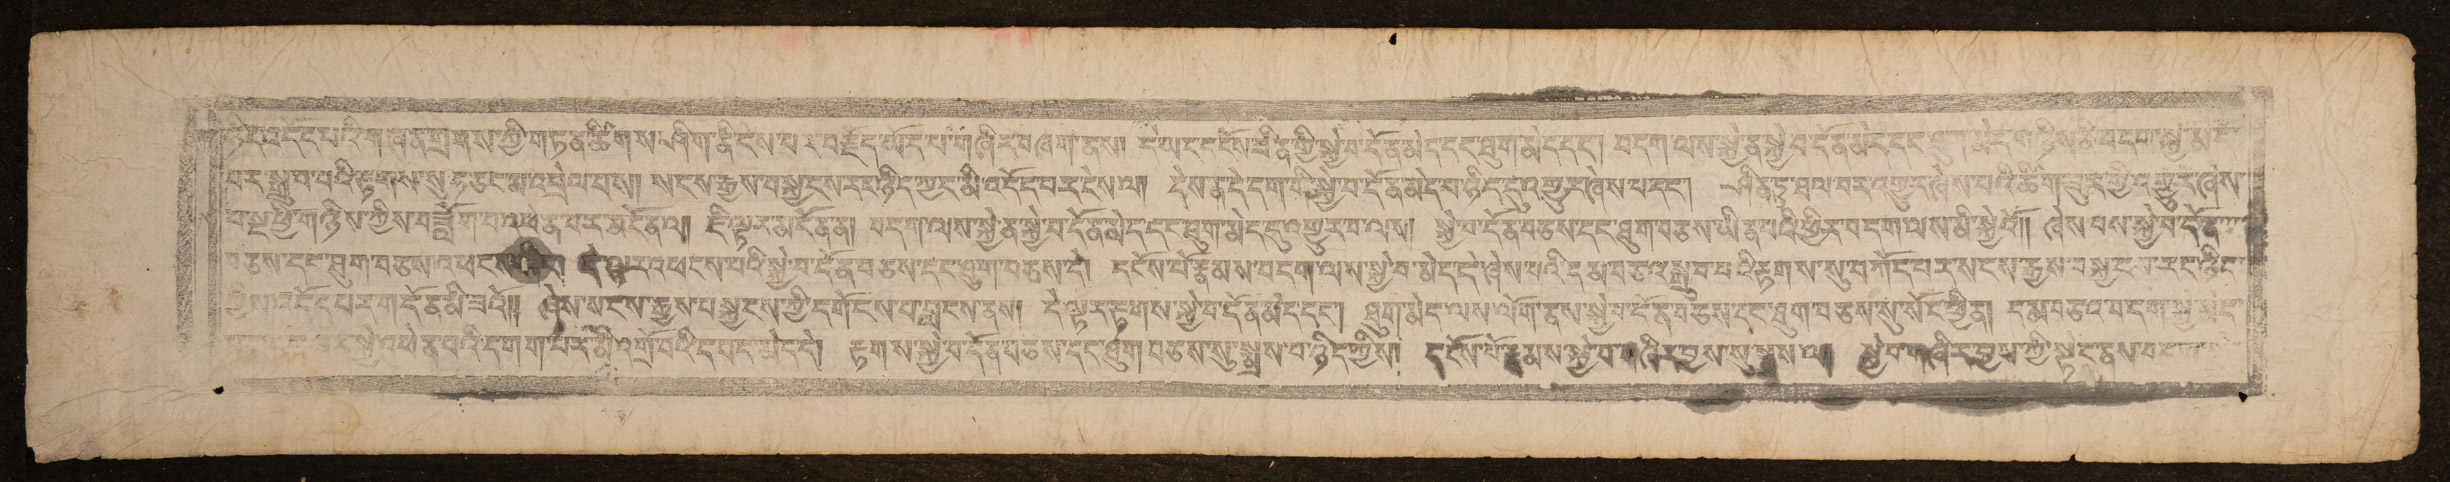ཉིད་འདོད་པའི་གཞན་གྲགས་ཀྱི་གཏན་ཚིགས་ཤིག་ནི་ངེས་པར་བརྗོད་ཡོད་པ་གཞིར་བཞག་ནས། དེ་ཡང་དངོས་ཟིན་གྱི་སྐྱེ་བ་དོན་མེད་དང་ཐུག་མེད་དང་། བདག་ལས་སྐྱེ་ན་སྐྱེ་བ་དོན་མེད་དང་ཐུག་མེད་གཉིས་ནི་བདག་སྐྱེ་མེད་
པར་སྒྲུབ་པའི་རྟགས་སུ་ཧ་ཅང་མ་འབྲེལ་བས། སངས་རྒྱས་བསྐྱངས་རང་ཉིད་ཀྱང་མི་འདོད་པར་ངེས་ལ། དེས་ན་དེ་དག་གི་སྐྱེ་བ་དོན་མེད་པ་ཉིད་དུ་འགྱུར་ཞེས་པ་དང་། ཤིན་ཏུ་ཐལ་བར་འགྱུར་ཞེས་པའི་ཚིག་ཟུར་གྱི་འགྱུར་ཞེས་
པ་སྔ་ཕྱི་གཉིས་ཀྱིས་བཟློག་པ་འཕེན་པར་མངོན་ལ། ཇི་ལྟར་མངོན་ན། བདག་ལས་སྐྱེ་ན་སྐྱེ་བ་དོན་མེད་དང་ཐུག་མེད་དུ་འགྱུར་བ་ལས། སྐྱེ་བ་དོན་བཅས་དང་ཐུག་བཅས་ཡིན་པའི་ཕྱིར་བདག་ལས་མི་སྐྱེའོ། །ཞེས་པས་སྐྱེ་བ་དོན་
བཅས་དང་ཐུག་བཅས་འཕངས་ཤིང་། དེ་ལྟར་འཕངས་པའི་སྐྱེ་བ་དོན་བཅས་དང་ཐུག་བཅས་དེ། དངོས་པོ་རྣམས་བདག་ལས་སྐྱེ་བ་མེད་དེ་ཞེས་པའི་དམ་བཅའ་སྒྲུབ་པའི་རྟགས་སུ་བཀོད་པར་སངས་རྒྱས་བསྐྱངས་རང་ཉིད་
ཀྱིས་འདོད་པར་གདོན་མི་ཟའོ། །ཞེས་སངས་རྒྱས་བསྐྱངས་ཀྱི་དགོངས་པ་བླངས་ནས། དེ་ལྟར་རྟགས་སྐྱེ་བ་དོན་མེད་དང་། ཐུག་མེད་ལས་ལོག་ནས་སྐྱེ་བ་དོན་བཅས་དང་ཐུག་བཅས་སུ་སོང་ཕྱིན། དམ་བཅའ་བདག་སྐྱེ་མེད་
པ་ཡང་གཞན་སྐྱེ་འཕེན་པའི་དགག་པར་མི་འགྲོ་བའི་དབང་མེད་དེ། རྟགས་སྐྱེ་བ་དོན་བཅས་དང་ཐུག་བཅས་སུ་སྨྲས་པ་ཉིད་ཀྱིས། དངོས་པོ་རྣམས་སྐྱེ་བ་གཞིར་བྱས་སུ་སྨྲས་ལ། སྐྱེ་བ་གཞིར་བྱས་ཀྱི་སྟེང་ནས་བདག་སྐྱེ་